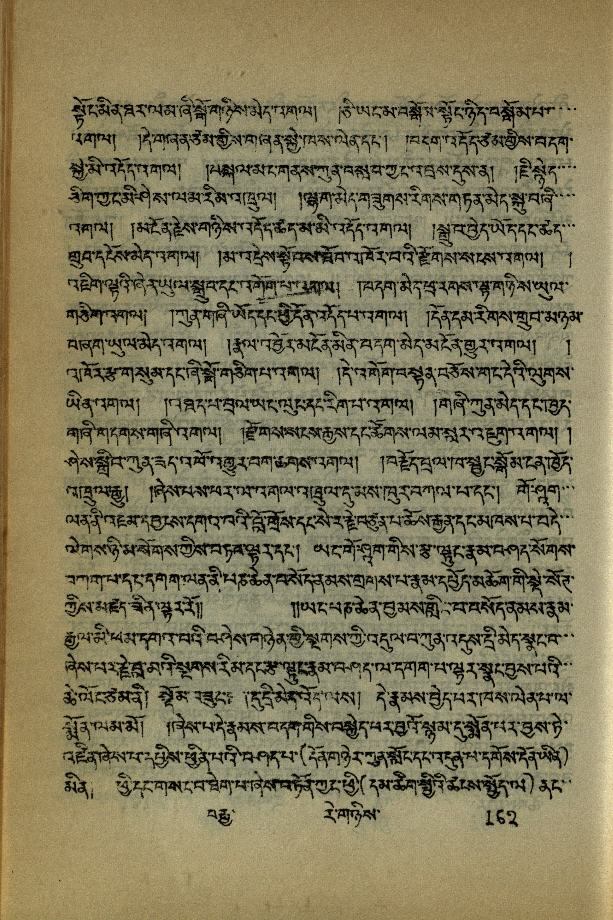སྟོང་མིན་ཐར་ལམ་ཞི་སྒོ་གཉིས་མེད་འགལ། །ཅི་ཡང་མ་བསྒོམ་སྟོང་ཉིད་བསྒོམ་པ་
འགལ། །དེ་གཞན་ཙམ་གྱིས་གཞན་སྐྱེ་ཁས་ལེན་དང་། །བདག་འདོད་ཙམ་གྱིས་བདག་
སྐྱེ་མི་འདོད་འགལ། །བསྐལ་མང་གནས་ཀུན་བསླབ་ཀྱང་འབྲས་དུས་ན། །ཇི་སྙེད་
ཅིག་ཀྱང་མི་ཤེས་ལམ་རིམ་འཁྲུལ། །ལྷག་མེད་གཟུགས་རིགས་གཏན་མེད་སྐུ་བཞི་
འགལ། །མངོན་རྗེས་གཉིས་འདོད་ཚད་མ་མི་འདོད་འགལ། །སྒྲུབ་བྱེད་ཡོད་དང་ཚད་
གྲུབ་དངོས་མེད་འགལ། །མ་འདྲེས་སྟོབས་ཐོབ་འཁོར་བའི་རྫོགས་སངས་འགལ། །
འཇིག་ལྟའི་ཞེན་ཡུལ་སྒྲུབ་དང་འགོག་པ་འགལ། །བདག་མེད་ཕྲ་རགས་ལྟ་གཉིས་ཡུལ་
གཅིག་འགལ། །ཀུན་གཞི་ཡོད་དང་ཕྱི་དོན་འདོད་པ་འགལ། །དོན་དམ་རིགས་གྲུབ་མཉམ་
བཞག་ཡུལ་མེད་འགལ། །རྣལ་འབྱོར་མངོན་མིན་བདག་མེད་མངོན་གྱུར་འགལ། །
འཁོར་རྩ་གསུམ་དང་ཞི་སྒོ་གཅིག་པ་འགལ། །དེ་འགོག་བསྟན་བཅོས་གང་དེའི་ལུགས་
ཡིན་འགལ། །འཐད་པ་བྲལ་ཡང་ལུང་དང་རིག་པ་འགལ། །གཞི་ཀུན་མེད་དང་ཁྱད་
གཞི་གདགས་གཞི་འགལ། །རྫོགས་སངས་རྒྱས་དང་ཚོགས་ལམ་སླར་འཇུག་འགལ། །
ཤེས་སྒྲིབ་ཀུན་ཟད་འཕོ་འགྱུར་བག་ཆགས་འགལ། །བརྗོད་བྲལ་ཁ་སྦྱང་སྒོམ་ངན་ཁྱོད་
འཁྲུལ་རྒྱུ། །ཞེས་པས་ཕར་ལ་འགལ་འཁྲུལ་དུ་མས་ཁུར་བཀལ་པ་དང་། གོ་ཤཱག་
ལན་ནི་འཇམ་དབྱངས་དགའ་བའི་བློ་གྲོས་དང་སེ་ར་རྗེ་བཙུན་པ་ཆོས་རྒྱན་དང་མཁས་པ་བདེ་
ལེགས་ཉི་མ་སོགས་ཀྱིས་བཏབ་ལྟར་དང་། ཡང་གོ་ཤཱག་གིས་རྩ་ལྟུང་རྣམ་བཤད་སོགས་
བཀག་པ་དང་དགག་ལན་ནི་པཎ་ཆེན་བསོད་ནམས་གྲགས་པ་རྣམ་དཔྱོད་མཆོག་གི་སྡེ་སྟོཊ་
ཀྱིས་མཛད་ཟིན་ལྟར་རོ།། །།ཡང་པཎ་ཆེན་བྱམས་གླིང་བ་བསོད་ནམས་རྣམ་
རྒྱལ་མི་ཕམ་དགའ་བའི་བཤེས་གཉེན་གྱི་སྔགས་ཀྱི་འདུལ་བ་ཀུན་འདུས་དྲི་མེད་སྣང་བ་
ཞེས་པར་རྗེ་བླ་མའི་སྔགས་རིམ་དང་རྩ་ལྟུང་རྣམ་བཤད་ལ་དགག་པ་ལྟར་སྣང་བྱས་པའི་
ཆེ་ལོང་ཙམ་ནི། སྡོམ་བཟུང་། །དུ་དྲི་མེད་འོད་ལས། དེ་རྣམས་བྱེད་པར་ཁས་ལེན་པ་ལ་
སྨོན་ལམ་མོ། །ཞེས་པ་དེ་རྣམས་བདག་གིས་བསྐྱེད་པར་བྱའོ་སྙམ་དུ་སྨོན་པར་བྱས་ཏེ་
འཛིན་ཞེས་པ་དཔྱིས་ཕྱིན་པའི་བཤད་པ་དོན་གཉེར་ཀུན་སློང་དང་འདུན་པ་དགོས་དོན་ཡིན
མིན། ཕྱི་དང་གསང་བ་ཐེག་པ་ཞེས་བཏོན་ཀྱང་ཕྱི་དམ་ཚིག་སྤྱིའི་ཚངས་སྤྱོད་ལ་ནང་